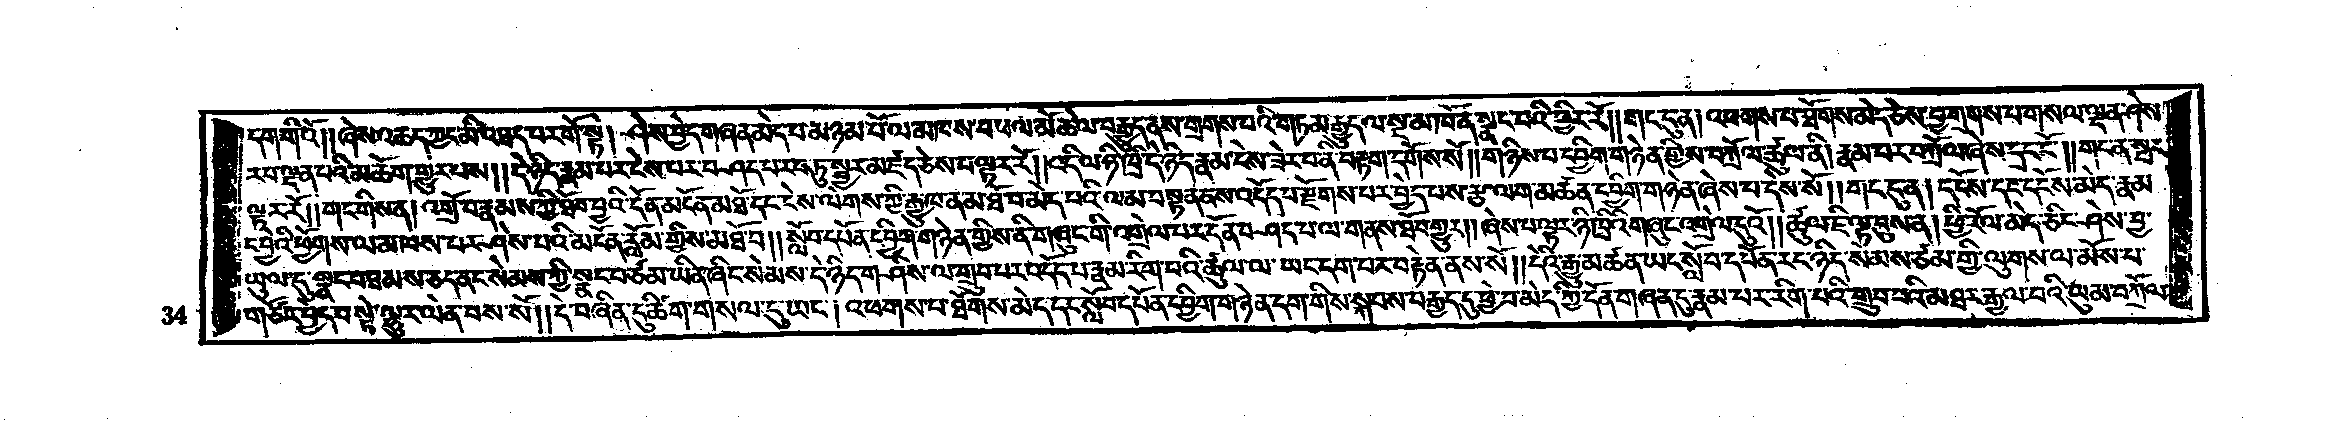དག་གིའོ། །ཞེས་འཆད་ཀྱང་མི་འཐད་པར་གོ་སྟེ། ཤེས་བྱེད་གཞན་མེད་པ་མཉམ་པོ་ལ་མཁས་པ་ཕལ་མོ་ཆེ་ལ་བརྒྱུད་ནས་གྲགས་པའི་གཏམ་རྒྱུད་ལ་སྔ་མ་ཁོ་ན་སྣང་བའི་ཕྱིར་རོ། །གང་དུ་ན། འཕགས་པ་ཐོགས་མེད་ཅེས་བྱ་གྲགས་པ་གསལ་ལྡན་ཤེས་
རབ་ལྡན་པའི་མཆོག་གྱུར་པས། །དེ་ཉིད་རྣམ་པར་ངེས་པར་བཤད་པ་རབ་ཏུ་སྦྱར་མཛད་ཅེས་པ་ལྟར་རོ། །འདི་ལ་ཉི་ཁྲི་དེ་ཉིད་རྣམ་ངེས་ཟེར་བ་ནི་བརྟག་དགོས་སོ། །གཉིས་པ་དབྱིག་གཉེན་གྱིས་བཀྲོལ་ཚུལ་ནི། རྣམ་པར་བཀྲོལ་ཞེས་དྲང་ངོ། །གང་ན་སྔར་
ལྟར་རོ། །གང་གིས་ན། འགྲོ་བ་རྣམས་ཀྱི་ཐོབ་བྱའི་དོན་མངོན་མཐོ་དང་ངེས་ལེགས་ཀྱི་རྒྱུ་ཁ་ན་མ་ཐོ་བ་མེད་པའི་ལམ་བསྟན་ནས་འདོད་པ་རྫོགས་པར་བྱེད་པས་རྩ་ལག་མཚན་དབྱིག་གཉེན་ཞེས་པ་དེས་སོ། །གང་དུ་ན། དངོས་དང་དངོས་མེད་རྣམ་
དབྱེའི་ཕྱོགས་ལ་མཁས་པར་ཤེས་པའི་མངོན་རློམ་གྱིས་མཐོ་བ། །སློབ་དཔོན་དབྱིག་གཉེན་གྱིས་ནི་གཞུང་གི་འགྲེལ་པར་དོན་བཤད་པ་ལ་གནས་ཐོབ་གྱུར། །ཞེས་པ་ལྟར་ཉི་ཁྲིའི་གཞུང་འགྲེལ་དུའོ། །ཚུལ་ཇི་ལྟ་བུས་ན། ཕྱི་རོལ་མེད་ཅིང་ཤེས་བྱ་
ཡུལ་དུ་སྣང་བ་ཐམས་ཅད་ནང་སེམས་ཀྱི་སྣང་བ་ཙམ་ཡིན་ཞིང་སེམས་དེ་ཉིད་གཤིས་ལ་གྲུབ་པར་འདོད་པ་རྣམ་རིག་པའི་ཚུལ་ལ་ཡང་དག་པར་བརྟེན་ནས་སོ། །དེའི་རྒྱུ་མཚན་ཡང་སློབ་དཔོན་རང་ཉིད་སེམས་ཙམ་གྱི་ལུགས་ལ་མོས་པ་
གཙོར་བྱེད་པ་སྟེ་ལྷུར་ལེན་པས་སོ། །དེ་བཞིན་དུ་ཚིག་གསལ་དུ་ཡང་། འཕགས་པ་ཐོགས་མེད་དང་སློབ་དཔོན་དབྱིག་གཉེན་དག་གིས་སྐབས་བརྒྱད་དུ་ཕྱེ་བ་མེད་ཀྱི་དོན་གཞན་དུ་རྣམ་པར་རིག་པའི་གྲུབ་པའི་མཐར་རྒྱལ་བའི་ཡུམ་བཀྲོལ་